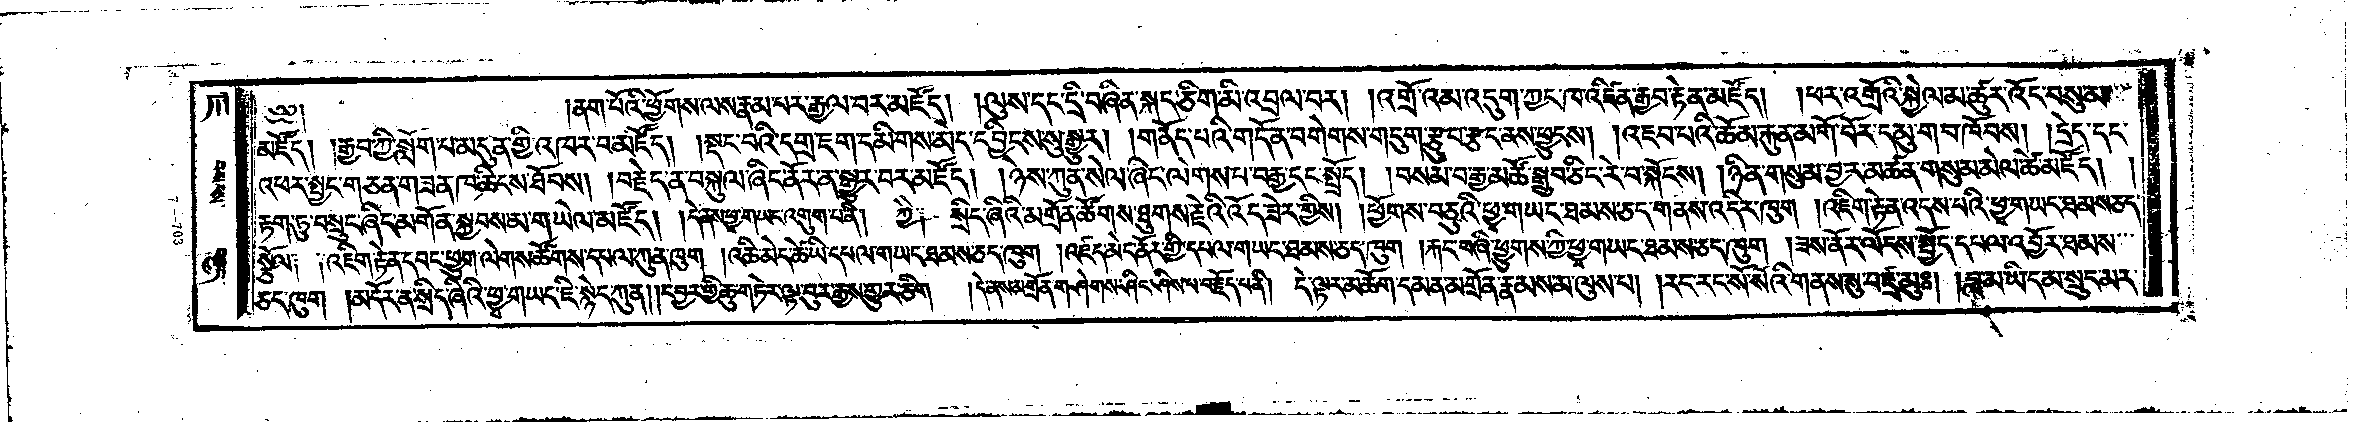༄༅། །ནག་པོའི་ཕྱོགས་ལས་རྣམ་པར་རྒྱལ་བར་མཛོད། །ལུས་དང་དྲི་བཞིན་སྐད་ཅིག་མི་འབྲལ་བར། །འགྲོ་འམ་འདུག་ཀྱང་ཁ་འཛིན་རྒྱབ་རྟེན་མཛོད། །ཕར་འགྲོའི་སྐྱེལ་མ་ཚུར་འོང་བསུ་མ་
མཛོད། །རྒྱབ་ཀྱི་སློག་པ་མདུན་གྱི་འཁར་བ་མཛོད། །སྡང་བའི་དགྲ་ཇག་དམིགས་མེད་དབྱིངས་སུ་སྒྱུར། །གནོད་པའི་གདོན་བགེགས་གདུག་རྩུབ་རྩད་ནས་ཕྱུངས། །འཇབ་པའི་ཆོམ་རྐུན་མགོ་བོར་དམུ་གབ་ཁོབས། །དྲེད་དང་
འཕར་སྦྱང་གཅན་གཟན་ཁ་ཆིངས་ཐོབས། །བརྗེད་ན་བསྐུལ་ཞིང་ནོར་ན་སྒྱུར་བར་མཛོད། །ཉེས་ཀུན་སེལ་ཞིང་ལེགས་པ་བརྒྱ་དང་སྤྲོད། །བསམ་བ་རྒྱ་མཚོ་སྒྲུབ་ཅིང་རེ་བ་སྐོངས། །ཉིན་གསུམ་བྱར་མཚན་གསུམ་མེལ་ཚེ་མཛོད། །
རྟག་ཏུ་བསྲུང་ཞིང་མགོན་སྐྱབས་མ་གཡེལ་མཛོད། །དེ་ནས་ཕྱྭ་གཡང་འགུག་པ་ནི།  ཀྱཻ༑ སྲིད་ཞིའི་མགྲོན་ཚོགས་ཐུགས་རྗེའི་འོད་ཟེར་གྱིས། །ཕྱོགས་བཅུའི་ཕྱྭ་གཡང་ཐམས་ཅད་གནས་འདིར་ཁུག །འཇིག་རྟེན་འདས་པའི་ཕྱྭ་གཡང་ཐམས་ཅད་
སྩོལ༑ ༑འཇིག་རྟེན་དབང་ཕྱུག་ལེགས་ཚོགས་དཔལ་ཀུན་ཁུག །འཆི་མེད་ཚེ་ཡི་དཔལ་གཡང་ཐམས་ཅད་ཁུག །འཇད་མེད་ནོར་གྱི་དཔལ་གཡང་ཐམས་ཅད་ཁུག །རྐང་བཞི་ཕྱུགས་ཀྱི་ཕྱྭ་གཡང་ཐམས་ཅད་ཁུག །ཟས་ནོར་ལོངས་སྤྱོད་དཔལ་འབྱོར་ཐམས་
ཅད་ཁུག །མདོར་ན་སྲིད་ཞིའི་ཕྱྭ་གཡང་ཇི་སྙེད་ཀུན། །དབྱར་གྱི་ཆུ་གཏེར་ལྟ་བུར་རྒྱས་གྱུར་ཅིག་།དེ་ནས་མགྲོན་གཤེགས་ཤིང་ཤིས་པ་བརྗད་པ་ནི།  དེ་ལྟར་མཆོག་དམན་མགྲོན་རྣམས་མ་ལུས་པ། །རང་རང་སོ་སོའི་གནས་སུ་བཛྲ་མུཿ། །བླ་མ་ཡི་དམ་སྲུང་མར་